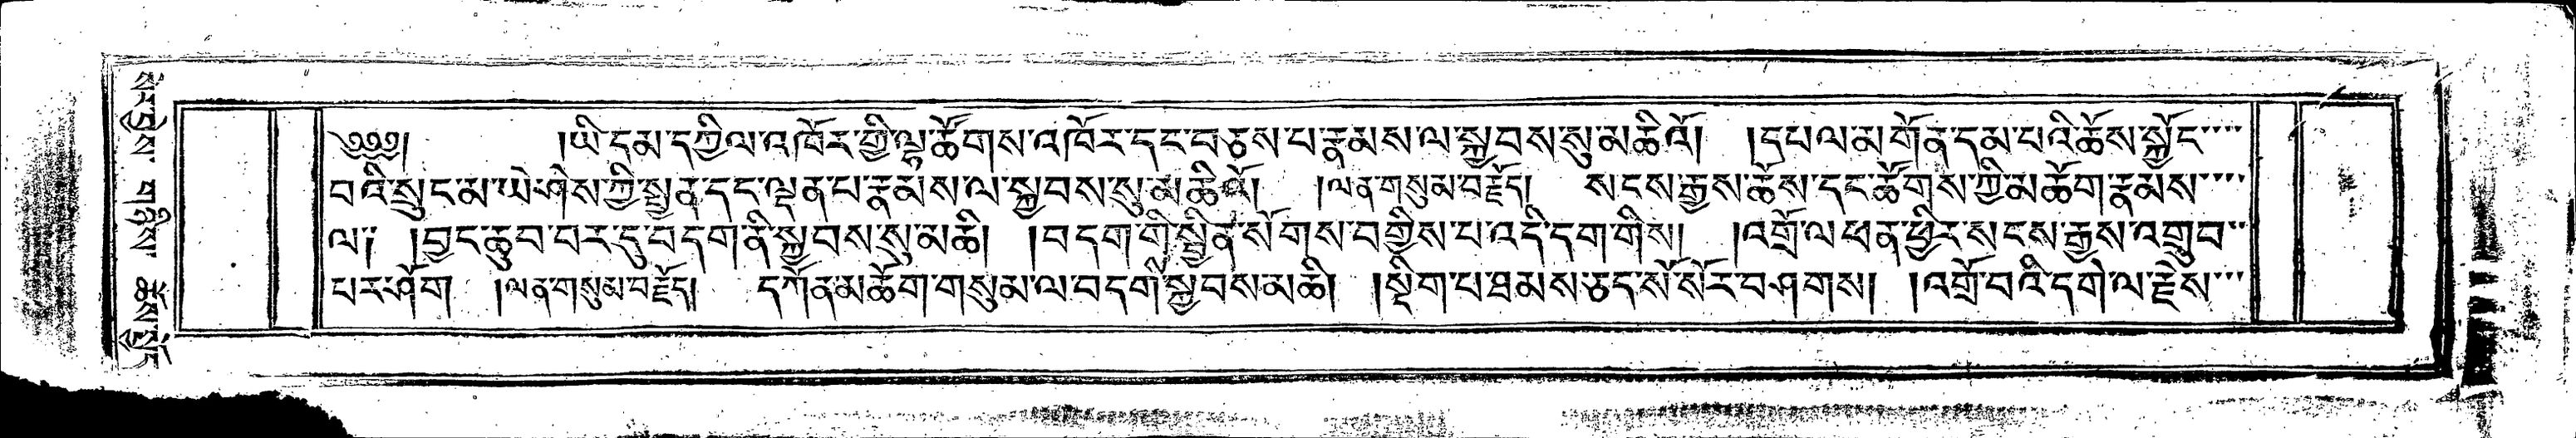༄༅༅། །ཡི་དམ་དཀྱིལ་འཁོར་གྱི་ལྷ་ཚོགས་འཁོར་དང་བཅས་པ་རྣམས་ལ་སྐྱབས་སུ་མཆིའོ། །དཔལ་མགོན་དམ་པའི་ཆོས་སྐྱོང་
བའི་སྲུང་མ་ཡེ་ཤེས་ཀྱི་སྤྱན་དང་ལྡན་པ་རྣམས་ལ་སྐྱབས་སུ་མཆིའོ། །ལན་གསུམ་བརྗོད། སངས་རྒྱས་ཆོས་དང་ཚོགས་ཀྱི་མཆོག་རྣམས་
ལ༑ །བྱང་ཆུབ་བར་དུ་བདག་ནི་སྐྱབས་སུ་མཆི། །བདག་གིས་སྦྱིན་སོགས་བགྱིས་པ་འདི་དག་གིས། །འགྲོ་ལ་ཕན་ཕྱིར་སངས་རྒྱས་འགྲུབ་
པར་ཤོག །ལན་གསུམ་བརྗོད། དཀོན་མཆོག་གསུམ་ལ་བདག་སྐྱབས་མཆི། །སྡིག་པ་ཐམས་ཅད་སོ་སོར་བཤགས། །འགྲོ་བའི་དགེ་ལ་རྗེས་